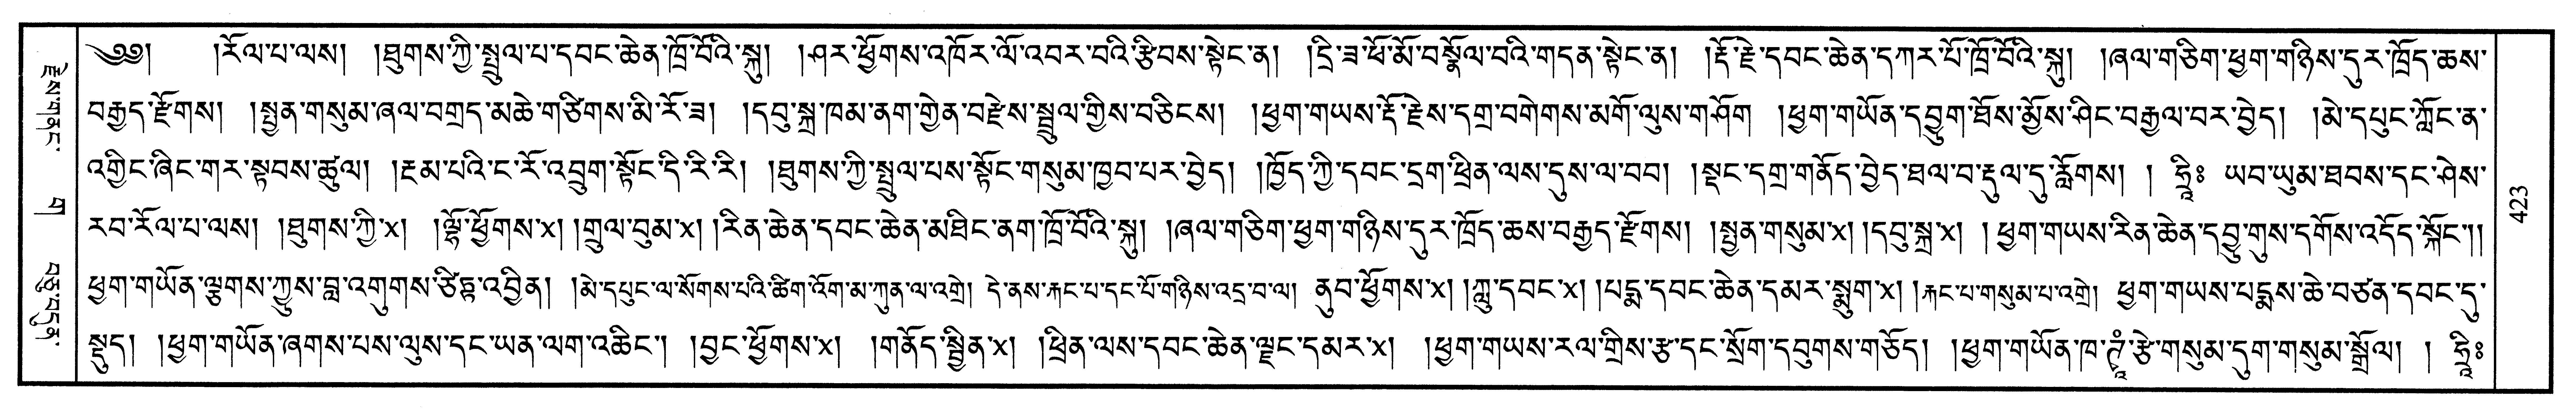༄༅། །རོལ་པ་ལས། །ཐུགས་ཀྱི་སྤྲུལ་པ་དབང་ཆེན་ཁྲོ་བོའི་སྐུ། །ཤར་ཕྱོགས་འཁོར་ལོ་འབར་བའི་རྩིབས་སྟེང་ན། །དྲི་ཟ་ཕོ་མོ་བསྣོལ་བའི་གདན་སྟེང་ན། །རྡོ་རྗེ་དབང་ཆེན་དཀར་པོ་ཁྲོ་བོའི་སྐུ། །ཞལ་གཅིག་ཕྱག་གཉིས་དུར་ཁྲོད་ཆས་
བརྒྱད་རྫོགས། །སྤྱན་གསུམ་ཞལ་བགྲད་མཆེ་གཙིགས་མི་རོ་ཟ། །དབུ་སྐྲ་ཁམ་ནག་གྱེན་བརྫེས་སྦྲུལ་གྱིས་བཅིངས། །ཕྱག་གཡས་རྡོ་རྗེས་དགྲ་བགེགས་མགོ་ལུས་གཤོག །ཕྱག་གཡོན་དབྱུག་ཐོས་མྱོས་ཤིང་བརྒྱལ་བར་བྱེད། །མེ་དཔུང་ཀློང་ན་
འགྱིང་ཞིང་གར་སྟབས་ཚུལ། །རྔམ་པའི་ང་རོ་འབྲུག་སྟོང་དི་རི་རི། །ཐུགས་ཀྱི་སྤྲུལ་པས་སྟོང་གསུམ་ཁྱབ་པར་བྱེད། །ཁྱོད་ཀྱི་དབང་དྲག་ཕྲིན་ལས་དུས་ལ་བབ། །སྡང་དགྲ་གནོད་བྱེད་ཐལ་བ་རྡུལ་དུ་རློགས། །ཧྲཱིཿ ཡབ་ཡུམ་ཐབས་དང་ཤེས་
རབ་རོལ་པ་ལས། །ཐུགས་ཀྱི་྾། །ལྷོ་ཕྱོགས་྾། །གྲུལ་བུམ་྾། །རིན་ཆེན་དབང་ཆེན་མཐིང་ནག་ཁྲོ་བོའི་སྐུ། །ཞལ་གཅིག་ཕྱག་གཉིས་དུར་ཁྲོད་ཆས་བརྒྱད་རྫོགས། །སྤྱན་གསུམ་྾། །དབུ་སྐྲ་྾། །ཕྱག་གཡས་རིན་ཆེན་དབྱུ་གུས་དགོས་འདོད་སྐོང།།
ཕྱག་གཡོན་ལྕགས་ཀྱུས་བླ་འགུགས་ཙིཏྟ་འབྱིན། །མེ་དཔུང་ལ་སོགས་པའི་ཚིག་འོག་མ་ཀུན་ལ་འགྲེ། དེ་ནས་རྐང་པ་དང་པོ་གཉིས་འདྲ་བ་ལ། ནུབ་ཕྱོགས་྾། །ཀླུ་དབང་྾། །པདམ་དབང་ཆེན་དམར་སྨུག་྾། །རྐང་པ་གསུམ་པ་འགྲེ། ཕྱག་གཡས་པདམས་ཆེ་བཙན་དབང་དུ་
སྡུད། །ཕྱག་གཡོན་ཞགས་པས་ལུས་དང་ཡན་ལག་འཆིང་། །བྱང་ཕྱོགས་྾། །གནོད་སྦྱིན་྾། །ཕྲིན་ལས་དབང་ཆེན་ལྗང་དམར་྾། །ཕྱག་གཡས་རལ་གྲིས་རྩ་དང་སྲོག་དབུགས་གཅོད། །ཕྱག་གཡོན་ཁ་ཊྭཱཾ་རྩེ་གསུམ་དུག་གསུམ་སྒྲོལ། །ཧྲཱིཿ